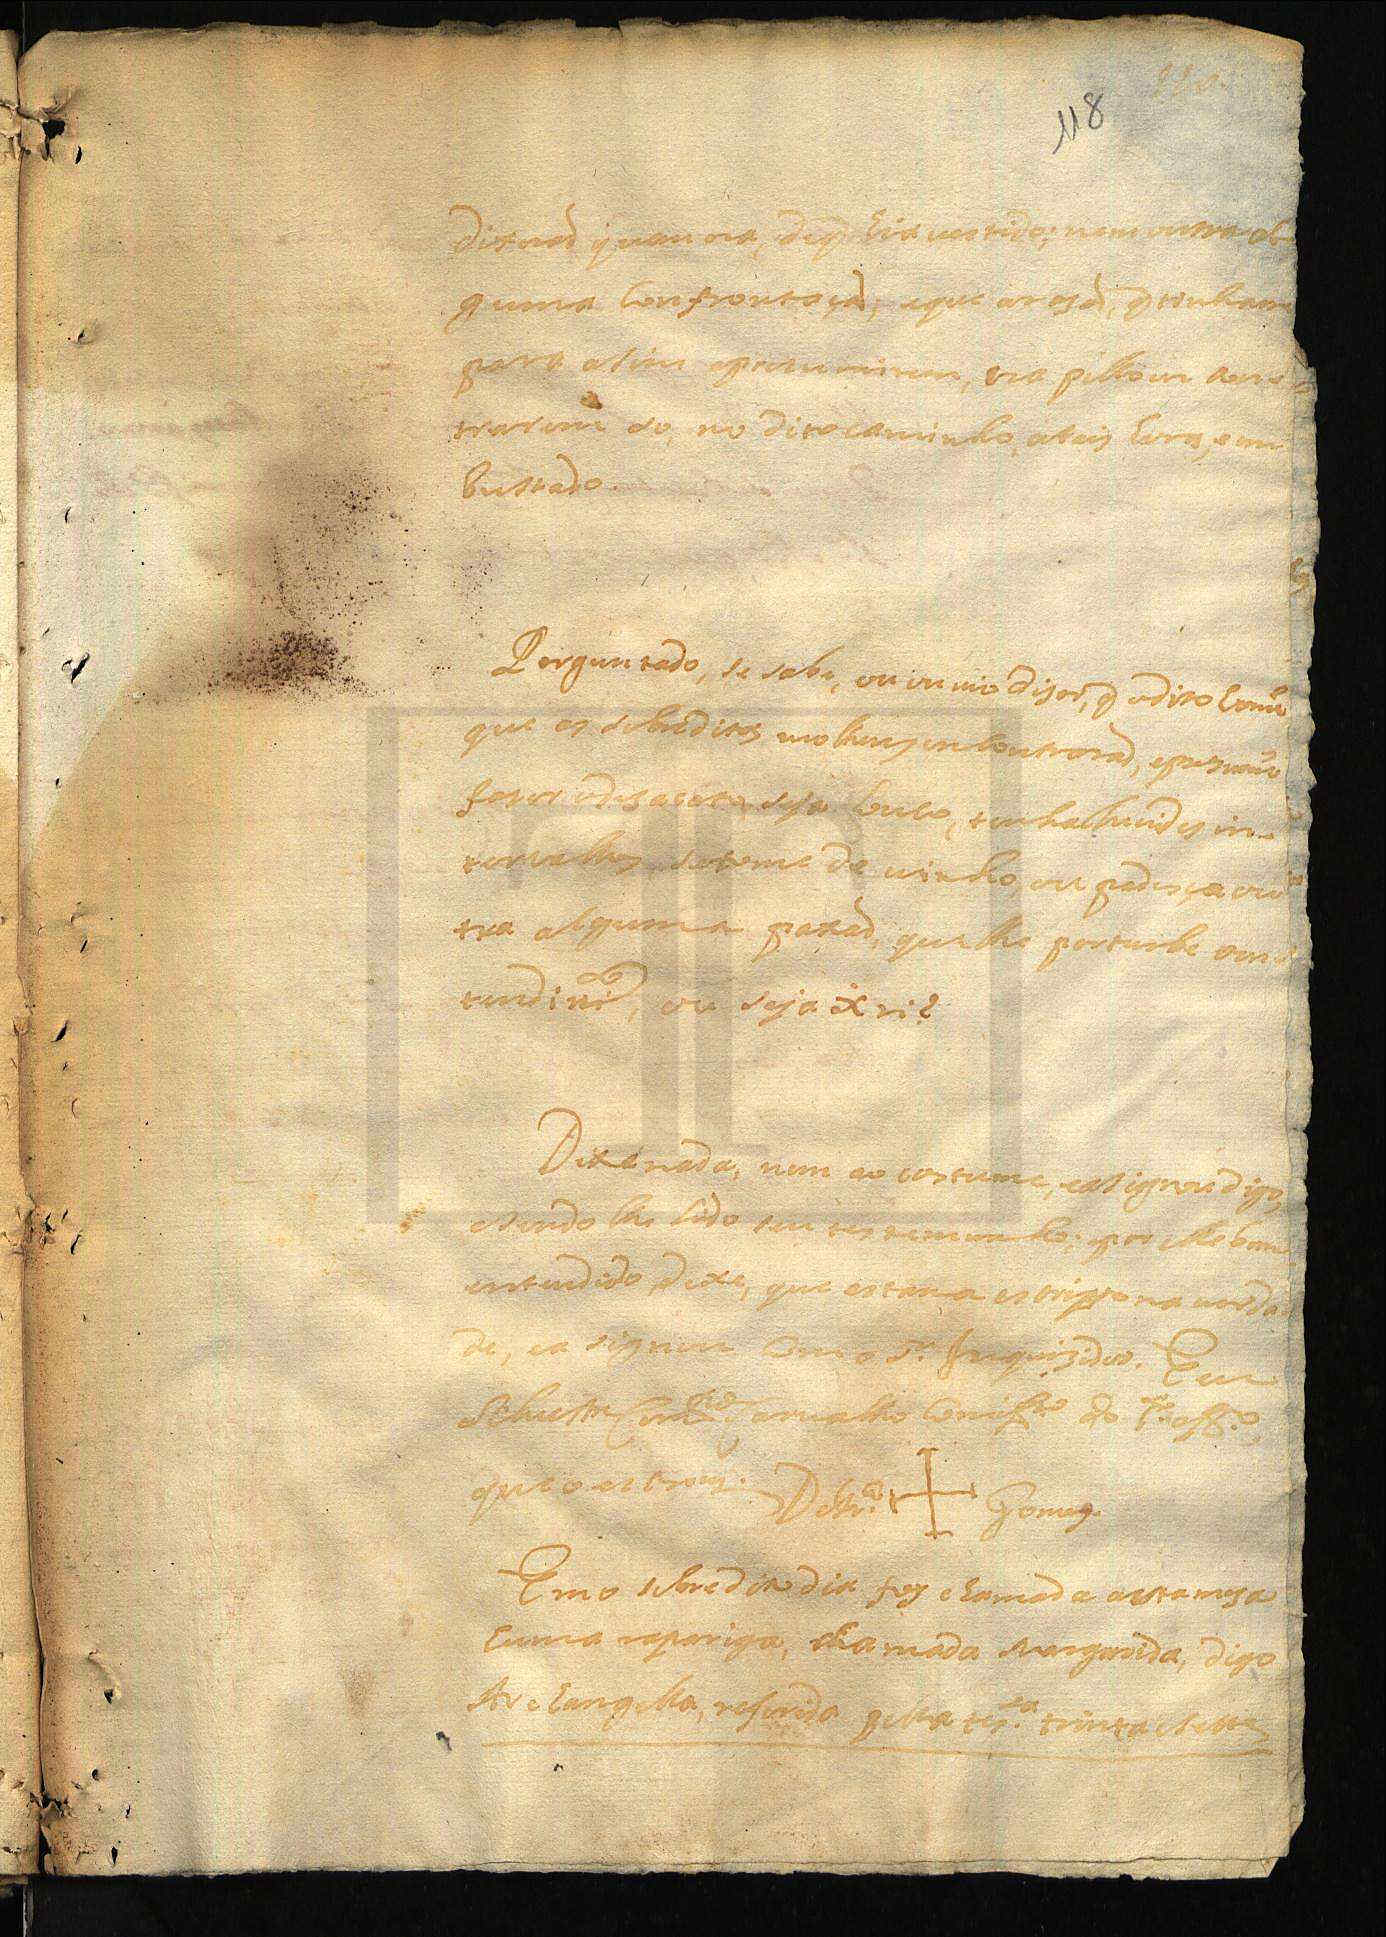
diseraõ quem era, de q̄ hia uestido, nem outra al
guma confrontaçaõ, e que a rezaõ, q̄ tinham
para asim o prezumirem, era pello encon
trarem so, no dito caminho, a tais horas, e em
bustado.
Perguntado, se sabe, ou ouuio dizer, q̄ o dito homē
que as sobreditas molheres encontraraõ, e presumē
faser o dezacato seja louco, tenha lucidos in
tervallos se tome de uinho, ou padesça ou
tra alguma paxaõ, que lhe perturbe o en
tendim.to, ou seja xn?
Dixe nada, nem ao costume, e asignou digo,
e sendo lhe lido seu testemunho; por elle bem
entendido dixe, que estaua escripto na uerda
de, e asignou com o s.r Jnquizidor. E eu
Siluestre Cord.ro Carualho Comiss.ro do s.to off.o,
que o escreuj.
De Fr.co + Gomes
Em o sobredito dia foy chamado a esta meza
huma rapariga, chamada Margarida, digo
Archangella, referida pella tes.ta trinta e sette
